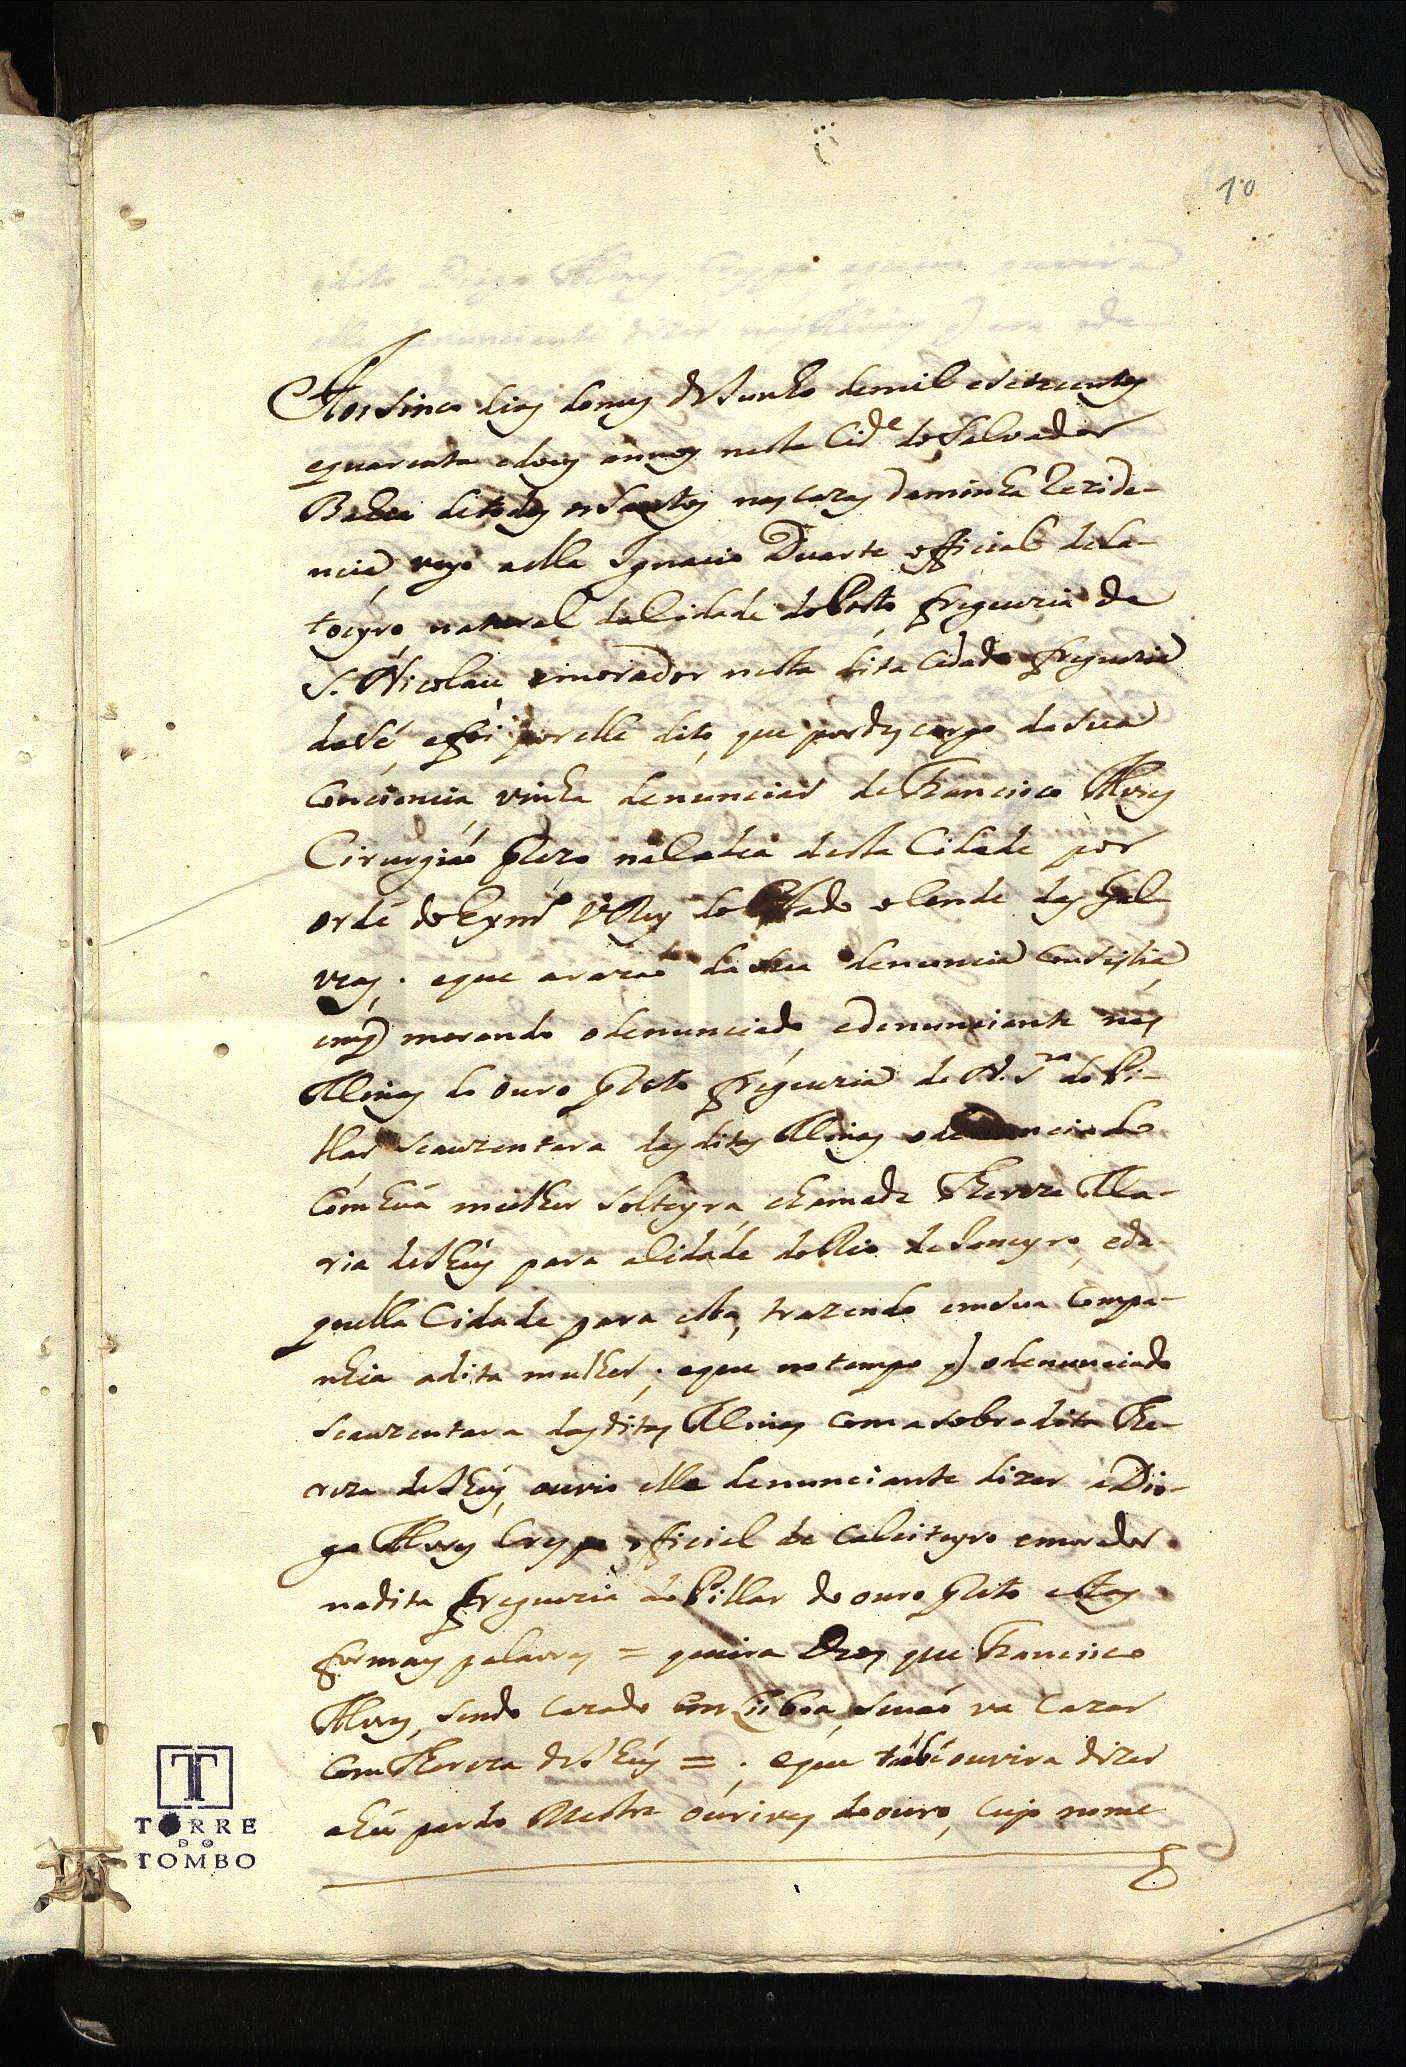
Aos sinco dias do mes de Iunho de mil e setecentos
e quarenta e dous annos nesta Cid.e do Salvador
Bahia de todos os Santos nas cazas da minha Rezide
ncia, veyo a ella Ignacio Duarte official de la
toeyro, natural da Cidade do Porto, freguezia de
S. Nicolau, e morador nesta dita cidade freguesia
da Sé, e foi por elle dito, que por descargo da sua
conciencia, vinha denunciar de Francisco Alvres
Cirurgiaõ prezo na Cadea desta Cidade por
ordē do Exmo VRey do _tado o Conde das Gal
veas ; e que a razao da sua denuncia consistia,
em q̄ morando o denunciado, e denunciante nas
Minas de ouro preto freguezia de N. sra do Pi
llar, se auzentara das ditas Minas o de__nciado
Com huā mulher solteyra, chamada Thereza Ma
ria de Ihūs para a Cidade do Rio de Ianeyro, e da
quella Cidade para esta, trazendo em sua compa
nhia a dita mulher; e que no tempo q̄ o denunciado
se auzentara das ditas Minas com a sobredita The
reza de Ihūs, ouvio elle denunciante dizer a Dio
go Alvres Crespo official de Calciteyro e morador
na dita freguezia do Pillar do ouro preto estas
formaes palavras = queira Deos que Francisco
Alvres, sendo cazado em Lisboa, se naõ va Cazar
Com Thereza de Ihū s= ; e que taõbē ouvira dizer
a hū pardo Mestre ourives do ouro, cujo nome
